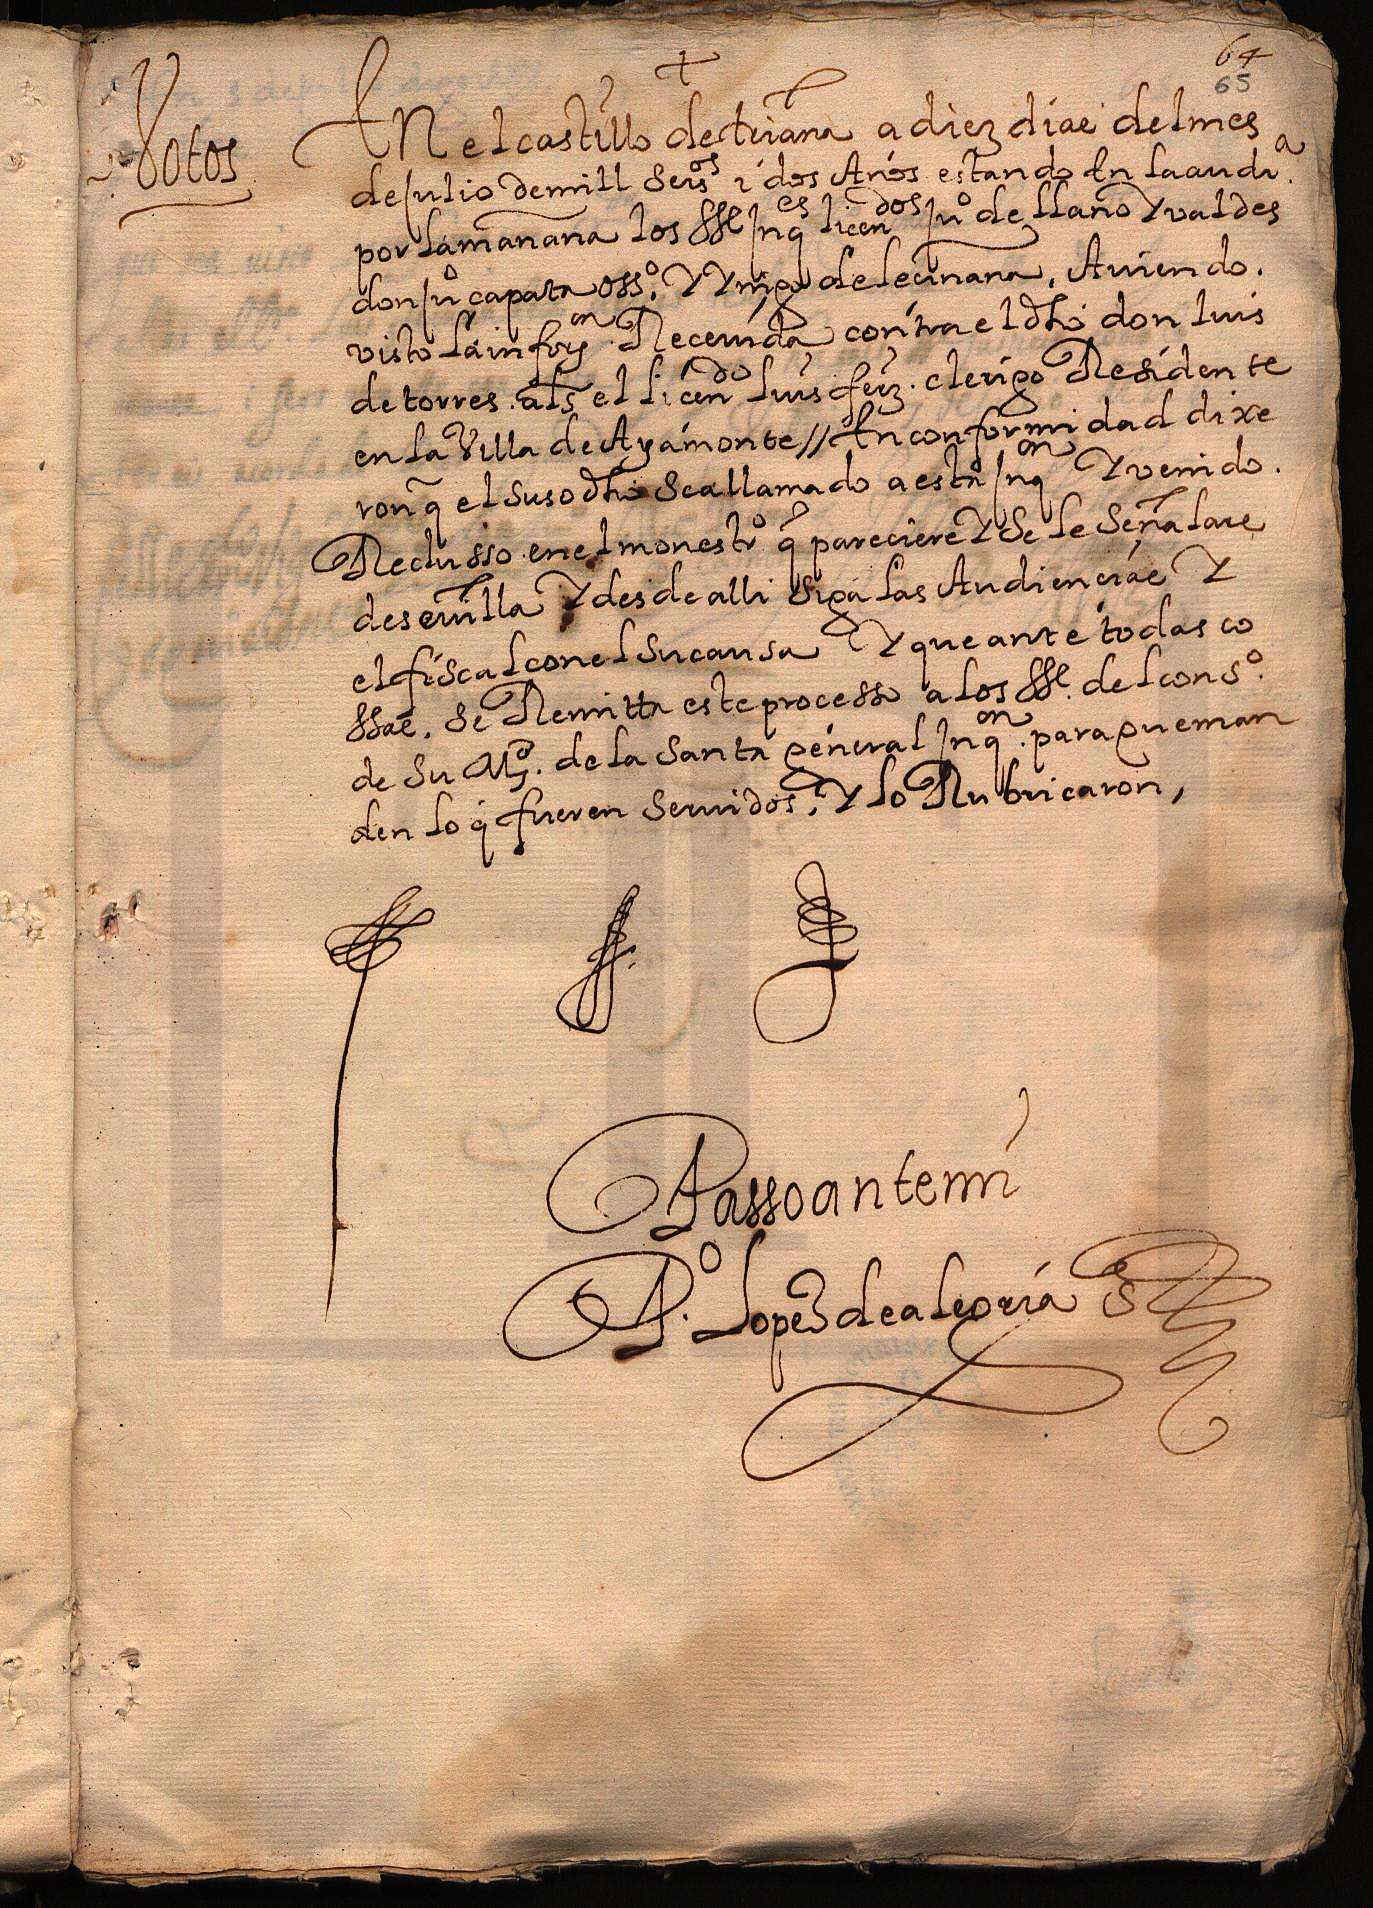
64
Votos
En el castillo de triana a diez dias del mes
de Julio de mill seisos i dos An̄os estando en la audia
por la mañana los os SSs Jnqes licendos Juo de llan̄o Y valdes
don Juo çapata oss.o Y Ynigo de Leciñana, Auiendo
visto la inforson Receuida contra el dho don luis
de torres āls el licendo luis fer̄z clerigo Residente
en la Villa de Ayamonte // En conformidad dixe
ron q̄ el susodho sea llamado a esta Jnqon Y venido
Reclusso en el monestro q̄ pareciere Y se le señalare
de seuilla Y desde alli siga las Audienciae Y
el fiscal con el su causa Y que ante todas co
ssas se Remitta este processo a los SSs. del conso.
de Su Md. de la Santa General Jnqon. para que man
den lo q̄ fueren seruidos. Y lo Rubricaron,
Passo ante mi
P.o Lopez de alegría
